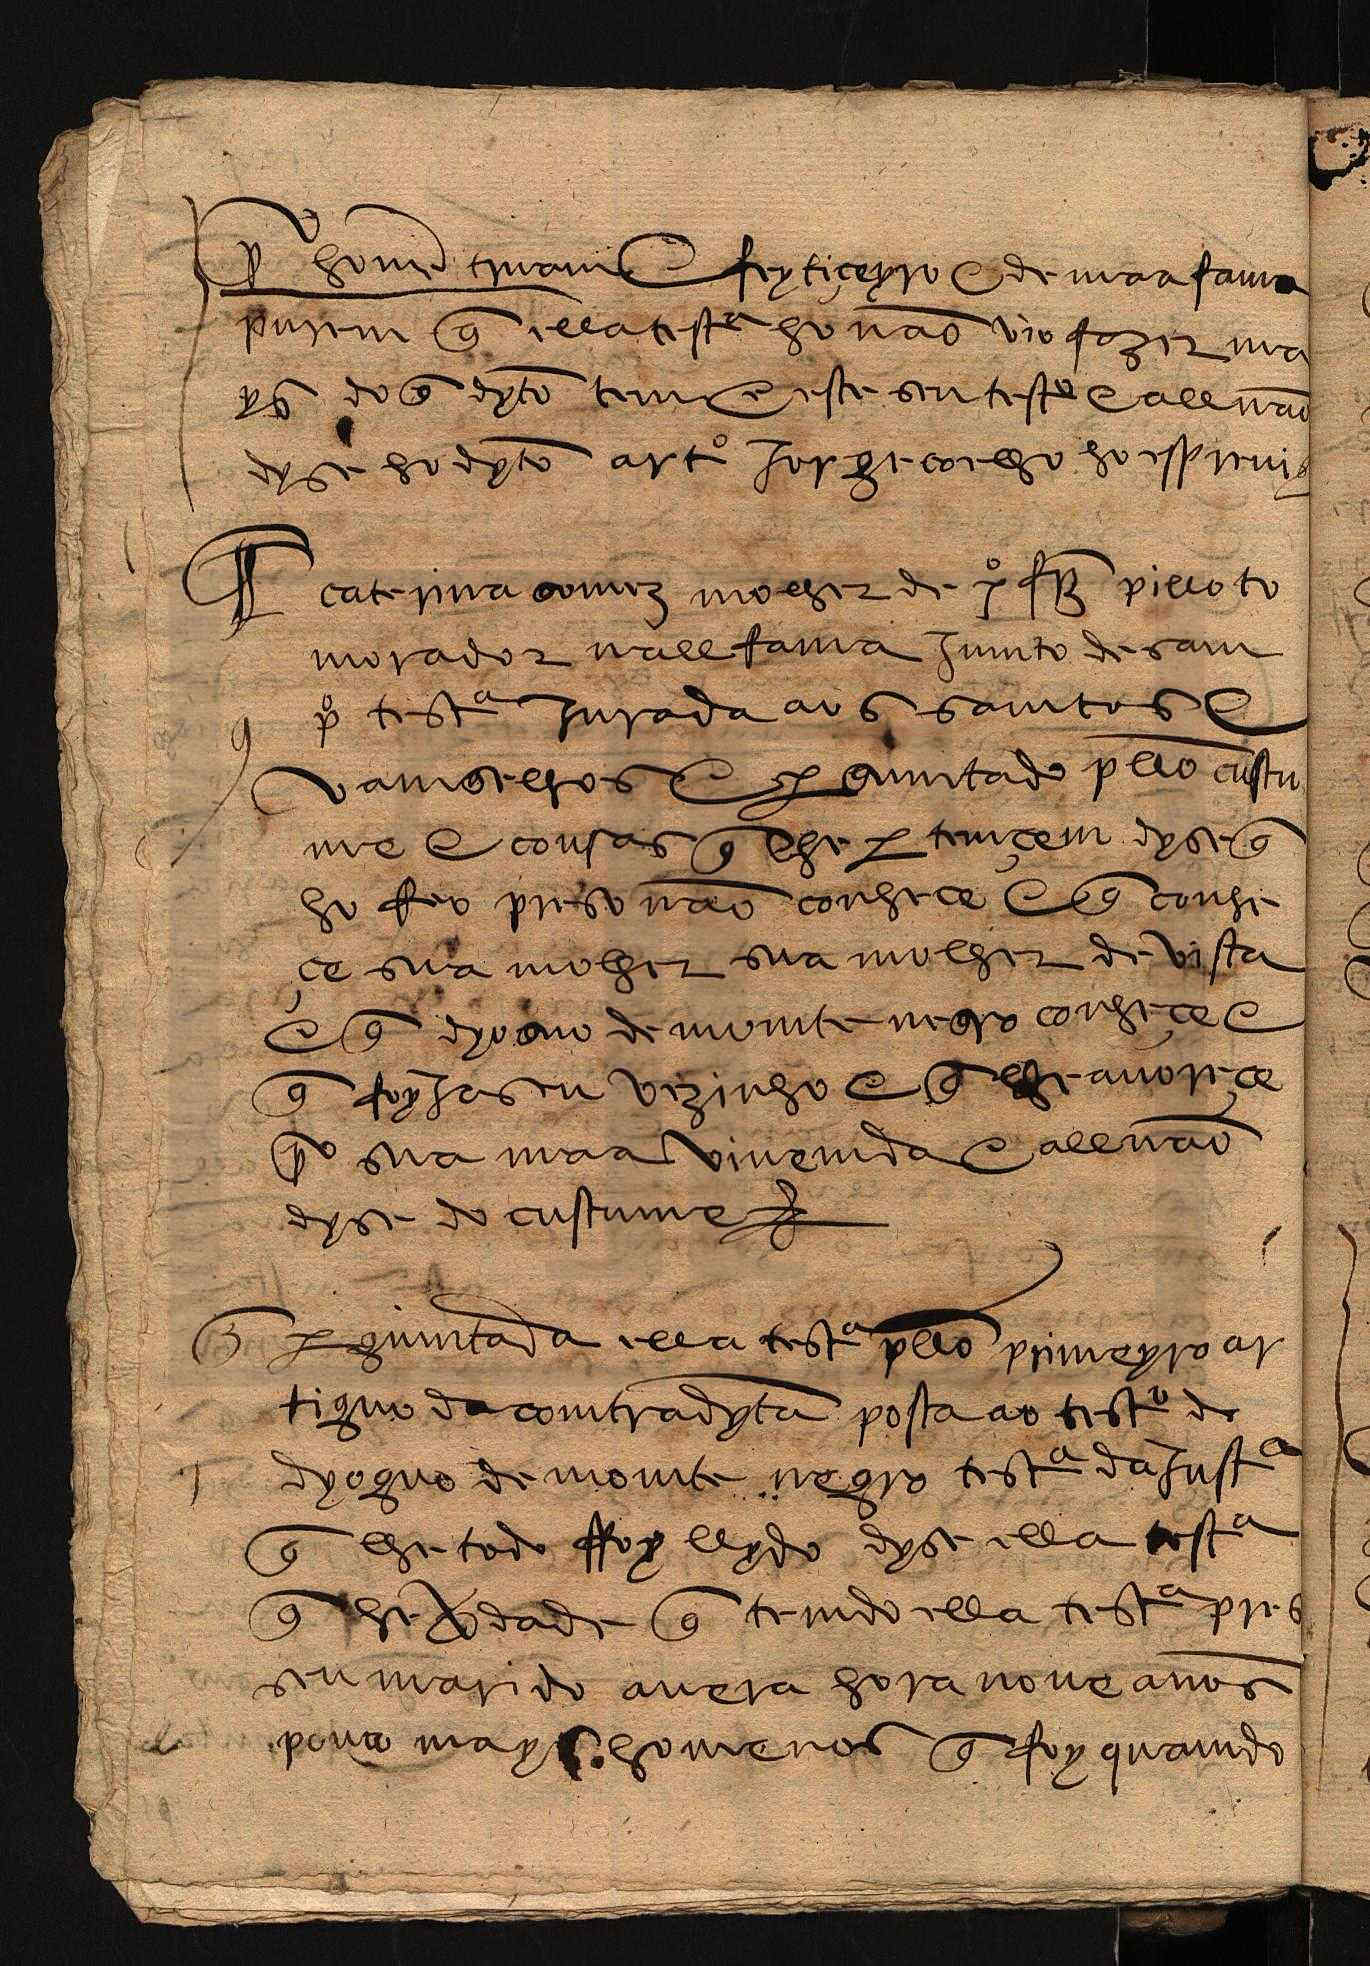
p̄o homē truam e feyticeyro e de maa fama
purem q̄ ella testa ho não vio fazer ma
ys do q̄ dyto tem ē este seu testo e all não
dyse ho dyto arto Jorge coelho ho espreui
caterina gomez molher de po fr̄z pilloto
morador nallfama Jumto de sam
p̄o testa Jurada aos samtos e
vamgelhos e ꝑgumtado p̄llo custu
me e cousas q̄ lhe ꝑtemcem dyse q̄
ho Reo preso não conhece e q̄ conhe
ce sua molher sua molher de vista
e q̄ dyoguo de momtenegro conhece e
q̄ foy Ja seu vezinho e q̄ lhe auorece
p̄o sua maa viuemda e all não
dyse do custume
item ꝑgumtada ella testa p̄llo primeyro ar
tiguo da comtradyta posta ao testo de
dyoguo de momtenegro testa da Justa
q̄ lhe todo ffoy llydo dyse ella testa
q̄ he ꝟdade q̄ temdo ella testa pres
seu marido auera hora noue anos
pouco mays ho menos q̄ foy quamdo
